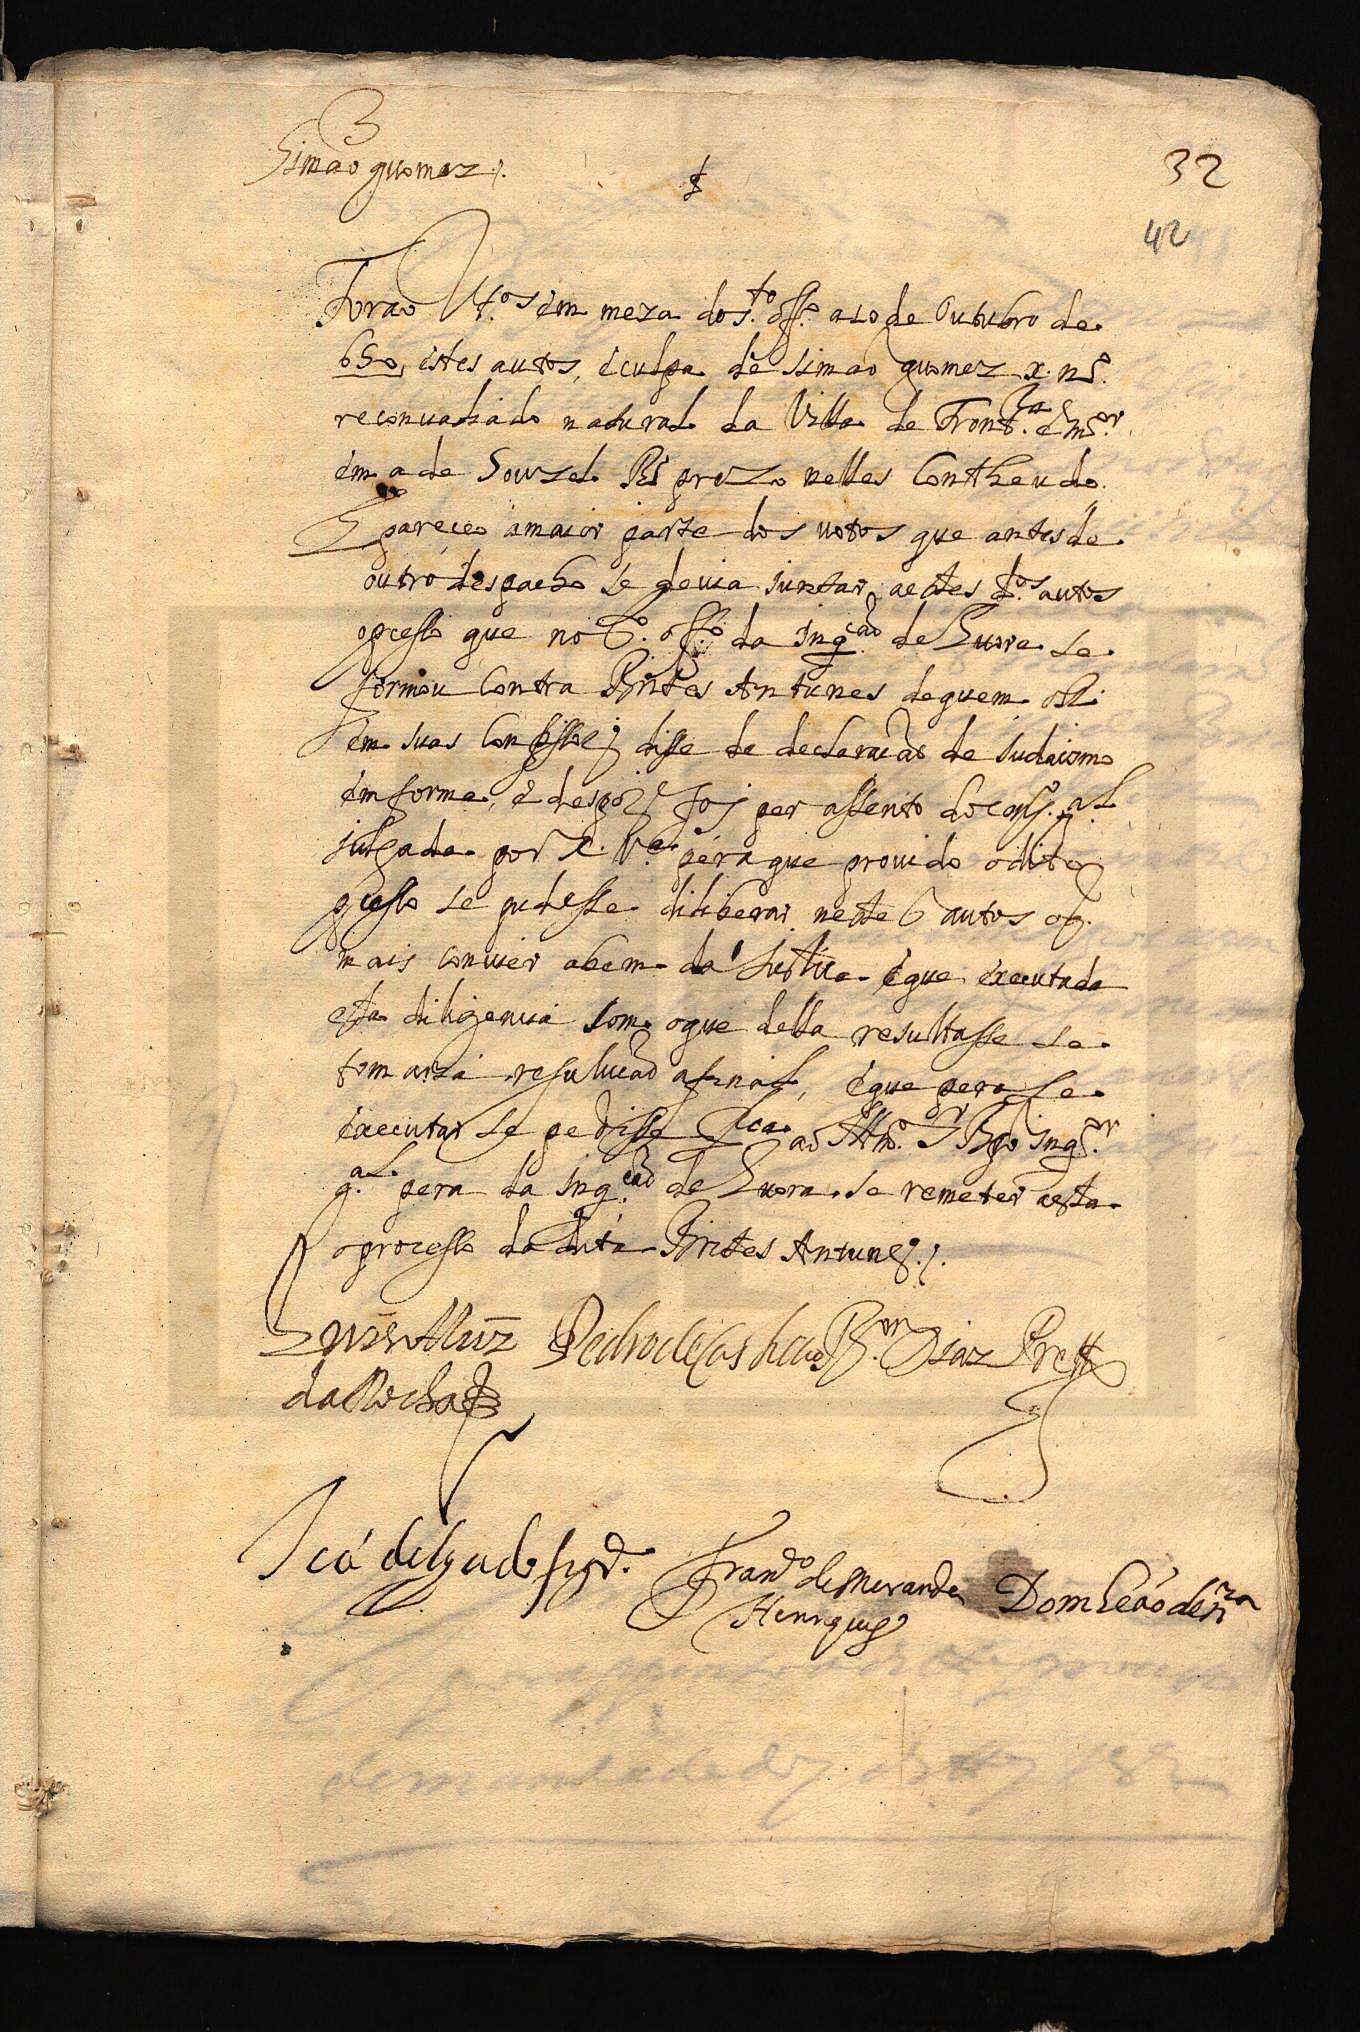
Simaõ guomez ./.
Forão Vt.os em meza do s.to off.o a 10 de Outubro de
650, estes autos, e culpa de simaõ guomez x. no.
reconcialiado natural da Villa de Front.ra e m.or
em a de Souzel R prezo nelles Contheudo
E pareçeo a maior parte dos uotos que antes de
outro despacho se deuia iuntar a estes d̄.tos autos
o ꝓcesso que no s.to. off.o da Inq.cão de Euora se
formou Contra Brites Antunes de quem o R.
em suas confissoes disse de declaracão de Iudaismo
em forma e despois foj per assento do cons.o g.al
Iulgada por X. V.a pera que prouido o dito
ꝓcesso se pudesse diliberar nestes autos o q̄
mais conuier a bem da Iustica. e que executada
esta diligencia Com o que della resultasse se
tomaria resulucãoaõ a final, e que pera se
executar se pedisse L.ca ao Illm.o Sor Bpō inq.or
g.al pera da Inq.cão de Euora se remeter a esta
o processo da dita Brites Antunes ./.
